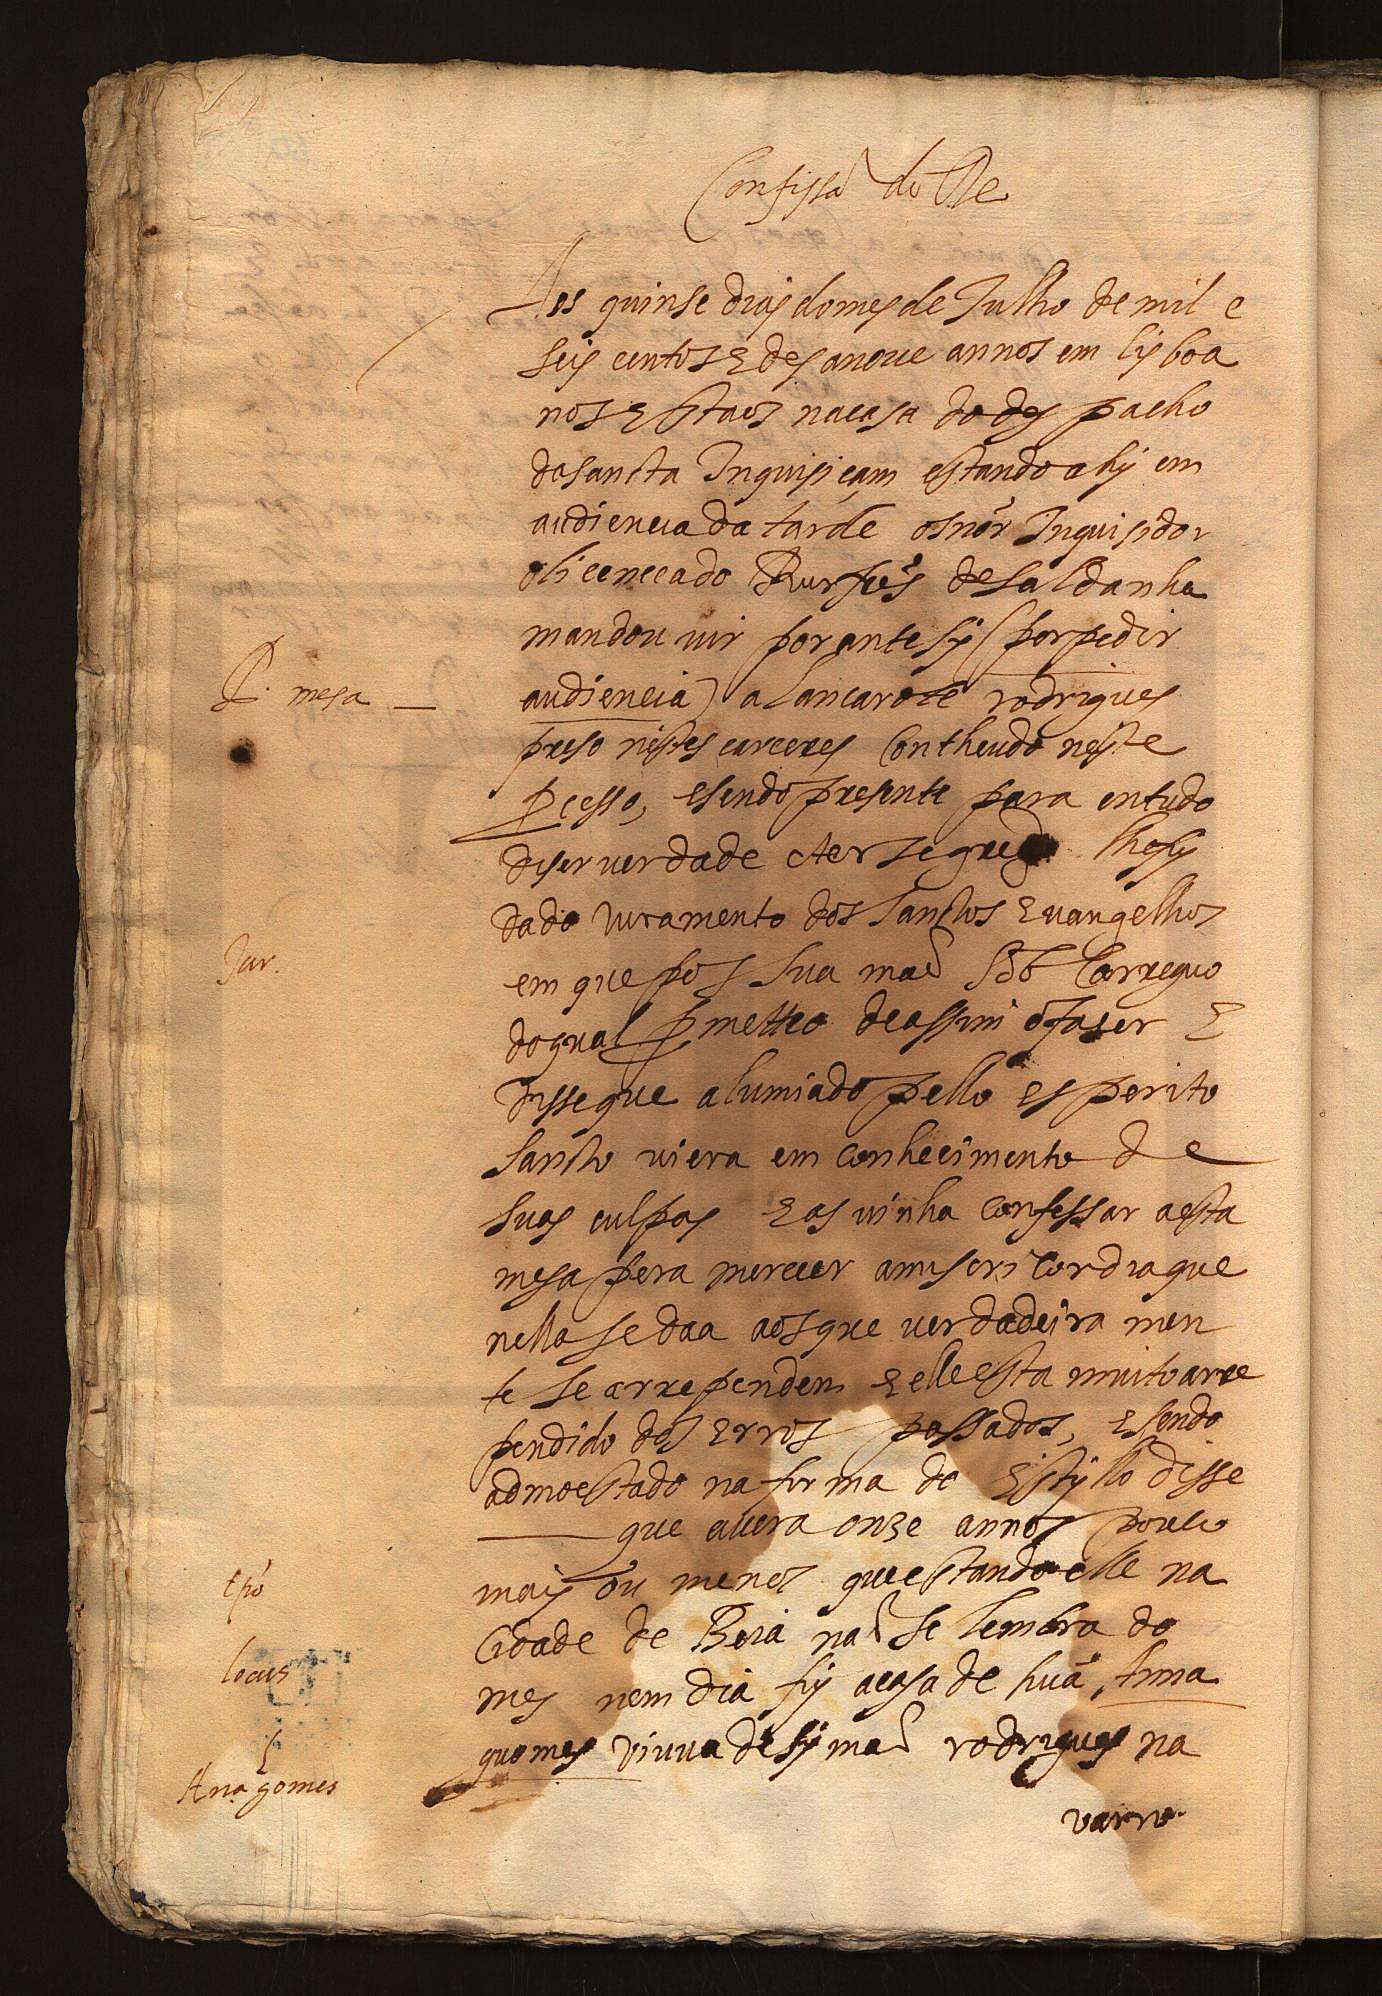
Confissā do Reo
Aos quinse dias do mes de Julho de mil e
seiscentos E desanoue annos em lisboa
nos Estaos na casa do despacho
da sancta Inquisiçam estando ahy em
audiencia da tarde o snōr Inquisidor
o licenceado Rui frez̄ de saldanha
mandou uir porante sy (por pedir
audiencia) a Lançarote rodrigues
preso nestes carceres Contheudo neste
ꝓcesso, e sendo presente para en tudo
diser uerdade e ter segre_ lhe foj
dado Iuramento dos sanctos Euangelhos
em que pos sua mão sob Carreguo
do qual ꝓmetteo de assim o faser E
disse que alumiado pello Esperito
Sancto uiera em conhecimento de
suas culpas E as uinha confessar a esta
mesa pera merecer a misericordia que
nella se daa aos que uerdadeiramen
te se arrependem E elle esta muito arre
pendido dos Erros passados, E sendo
admoestado na forma do Estyllo disse
que auera onze annos pouco
mais ou menos que estando elle na
Cidade de Beia naõ se lembra do
mes nem dia foy a casa de huā Anna
guomes viuua de symaõ rodrigues na
varro
P. mesa
tpō
locus
Ana gomes
